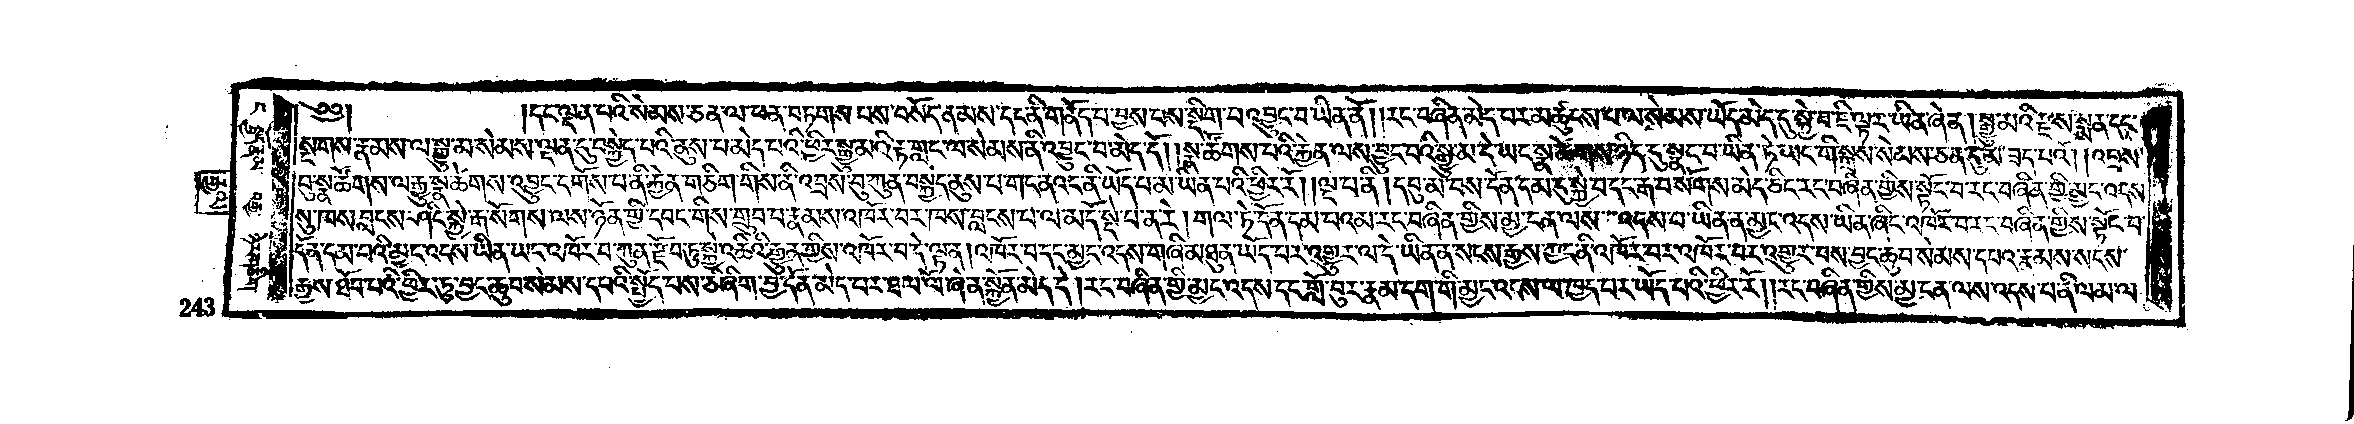༄༅། །དང་ལྡན་པའི་སེམས་ཅན་ལ་ཕན་བཏགས་པས་བསོད་ནམས་དང་ནི་གནོད་པ་བྱས་པས་སྡིག་པ་འབྱུང་བ་ཡིན་ནོ། །རང་བཞིན་མེད་པར་མཚུངས་པ་ལ་སེམས་ཡོད་མེད་དུ་སྐྱེ་བ་ཇི་ལྟར་ཡིན་ཞེ་ན། སྒྱུ་མའི་རྫས་སྨན་དང་
སྔགས་རྣམས་ལ་སྒྱུ་མ་སེམས་ལྡན་དུ་བསྐྱེད་པའི་ནུས་པ་མེད་པའི་ཕྱིར་སྒྱུ་མའི་རྟ་གླང་ལ་སེམས་ནི་འབྱུང་བ་མེད་དོ། །སྣ་ཚོགས་པའི་རྐྱེན་ལས་བྱུང་བའི་སྒྱུ་མ་དེ་ཡང་སྣ་ཚོགས་ཉིད་དུ་སྣང་བ་ཡིན་ཏེ་ཡང་གི་སྒྲས་སེམས་ཅན་དུ་མ་ཟད་པའོ། །འབྲས་
བུ་སྣ་ཚོགས་ལ་རྒྱུ་སྣ་ཚོགས་འབྱུང་དགོས་པ་ནི་རྐྱེན་གཅིག་གིས་ནི་འབྲས་བུ་ཀུན་བསྐྱེད་ནུས་པ་གང་ནའང་ནི་ཡོད་པ་མ་ཡིན་པའི་ཕྱིར་རོ། །ལྔ་པ་ནི། དབུ་མ་པས་དོན་དུ་སྐྱེ་བ་དང་རྒ་བ་སོགས་མེད་ཅིང་རང་བཞིན་གྱིས་སྟོང་པ་རང་བཞིན་གྱི་མྱང་འདས་
སུ་ཁས་བླངས་ཤིང་སྐྱེ་རྒ་གོས་ལས་ཉོན་གྱི་དབང་གིས་གྲུབ་པ་རྣམས་འཁོར་བར་ཁས་བླངས་པ་ལ་མདོ་སྡེ་པ་ན་རེ། གལ་ཏེ་དོན་དམ་པའམ་རང་བཞིན་གྱིས་མྱ་ངན་ལས་འདས་པ་ཡིན་ན་མྱང་འདས་ཡིན་ཞིང་འཁོར་བ་རང་བཞིན་གྱིས་སྟོང་བ་
དོན་དམ་པའི་མྱང་འདས་ཡིན་ཡང་འཁོར་བ་ཀུན་རྫོབ་ཏུ་སྐྱེ་འཆིའི་རྒྱུན་གྱིས་འཁོར་བ་དེ་ལྟ་ན། འཁོར་བ་དང་མྱང་འདས་གཞི་མཐུན་ཡོད་པར་འགྱུར་ལ་དེ་ཡིན་ན་སངས་རྒྱས་ཀྱང་ནི་འཁོར་བར་འཁོར་བར་འགྱུར་བས་བྱང་ཆུབ་སེམས་དཔའ་རྣམས་སངས་
རྒྱས་ཐོབ་པའི་ཕྱིར་ཏུ་བྱང་ཆུབ་སེམས་དཔའི་སྤྱོད་པས་ཅི་ཞིག་བྱ་དོན་མེད་པར་ཐལ་ལོ་ཞེ་ན་སྐྱོན་མེད་དེ། རང་བཞིན་གྱི་མྱང་འདས་དང་གློ་བུར་རྣམ་དག་གི་མྱང་འདས་ལ་ཁྱད་པར་ཡོད་པའི་ཕྱིར་རོ། །རང་བཞིན་གྱིས་མྱ་ངན་ལས་འདས་པ་ནི་ལམ་ལ་